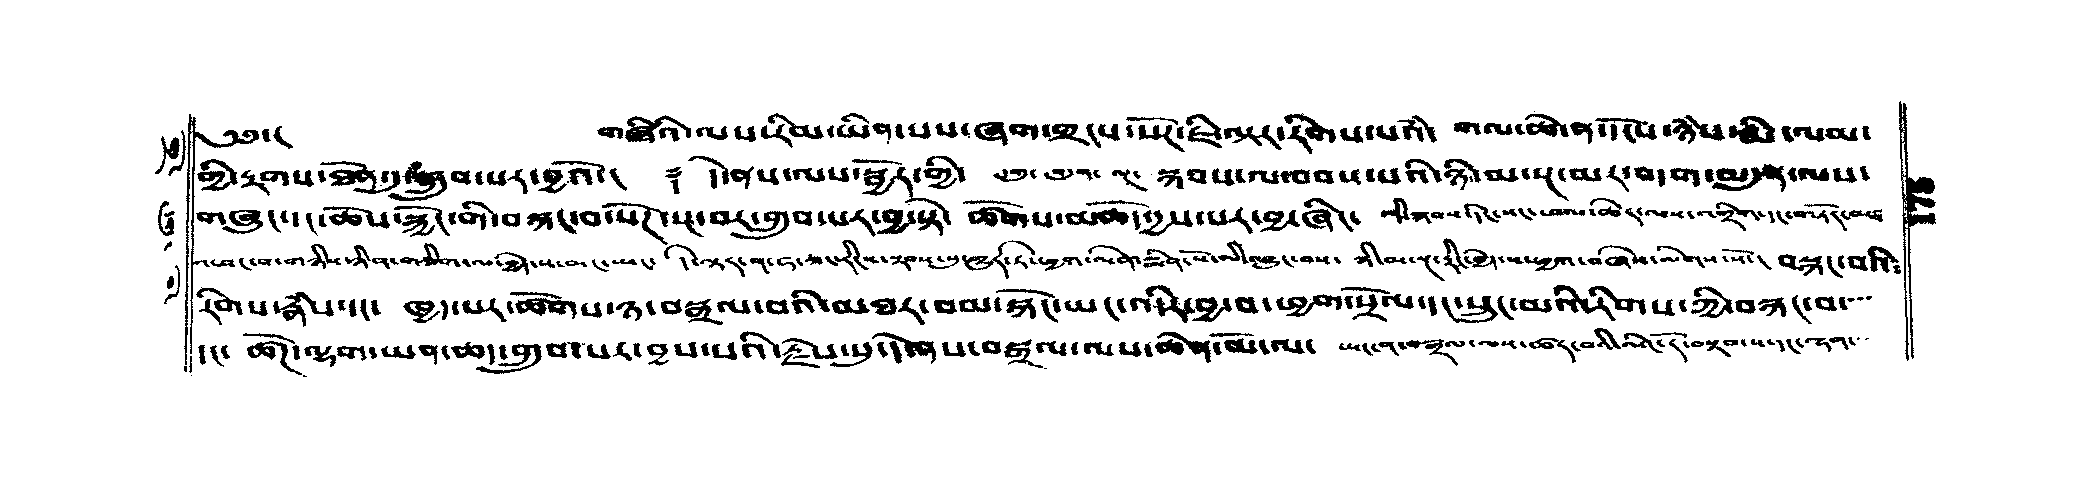གཞིའི་ལས་རིམ་ཡིན་པས་ཞག་གྲངས་དགུ་བདུན་ལྔ་སོགས་ཇི་ལྟར་རིགས་པའམ། གལ་ཆེ་ན་དངོས་ཉམས་རྨི་ལམ་
གྱི་རྟགས་ཐོན་དུ་བསྒྲུབ་པར་བྱའོ། ༈ དེ་ནས་ལས་སྦྱོར་གྱི་སྐབས་ལ་བབས་པའི་ཉི་མ་སྔ་མར་བདག་མདུན་ལས་
གཞུང་དང་ཆོས་སྐྱོང་གི་བསྐང་བ་སོགས་སྔ་བར་གྲུབ་པར་བྱ་སྟེ། ཚོགས་མཆོད་རྒྱས་པར་བྱ་ཞིང་། འདི་སྐབས་དིང་སང་ཕལ་ཆེར་ལས་འགྲིག་དང་གཏོར་མ་
འཕང་བ་གཉིས་ཉིན་གཅིག་ལ་བྱེད་པ་མང་ཡང་། དེ་ལྟར་ན་ཧ་ཅང་རིང་སྟབས་སུ་གྱུར་ཏེ་ཕྱག་ལེན་སྨིན་སོ་མི་འབྱུང་བས། ཉི་མ་སྔ་རྟིང་བྱེད་པ་ཕྱག་བཞེས་ལེགས་སོ། བསྐང་བའི་
རིགས་རྣམས་དང་། ཁྱད་པར་ཚོགས་ཉ་བསྒྲལ་བའི་མཐར་བམ་སྐོང་ཡང་འདིར་བྱ་བ་ཕྱག་སྲོལ་ཡང་ན་བསྒྲལ་ལས་ཚར་བའི་ལིང་རོ་བསྟབ་པ་དང་ལྷན་ཅིག་བྱ་བའི་གང་འཐད་བྱ། དང་སྲུང་མའི་རིགས་ཀྱི་བསྐང་བ་
དང་། ཚོགས་ལྷག་ཡན་ཆད་གྲུབ་པར་བྱས་པའི་རྗེས་སུ་དེ་ནས་བསྒྲལ་ལས་ཆེན་མོ་ལ། ཡང་ན་བསྒྲལ་ལས་ཚར་བི་ལིང་རོ་བསྟབ་པ་དང་ལྷན་